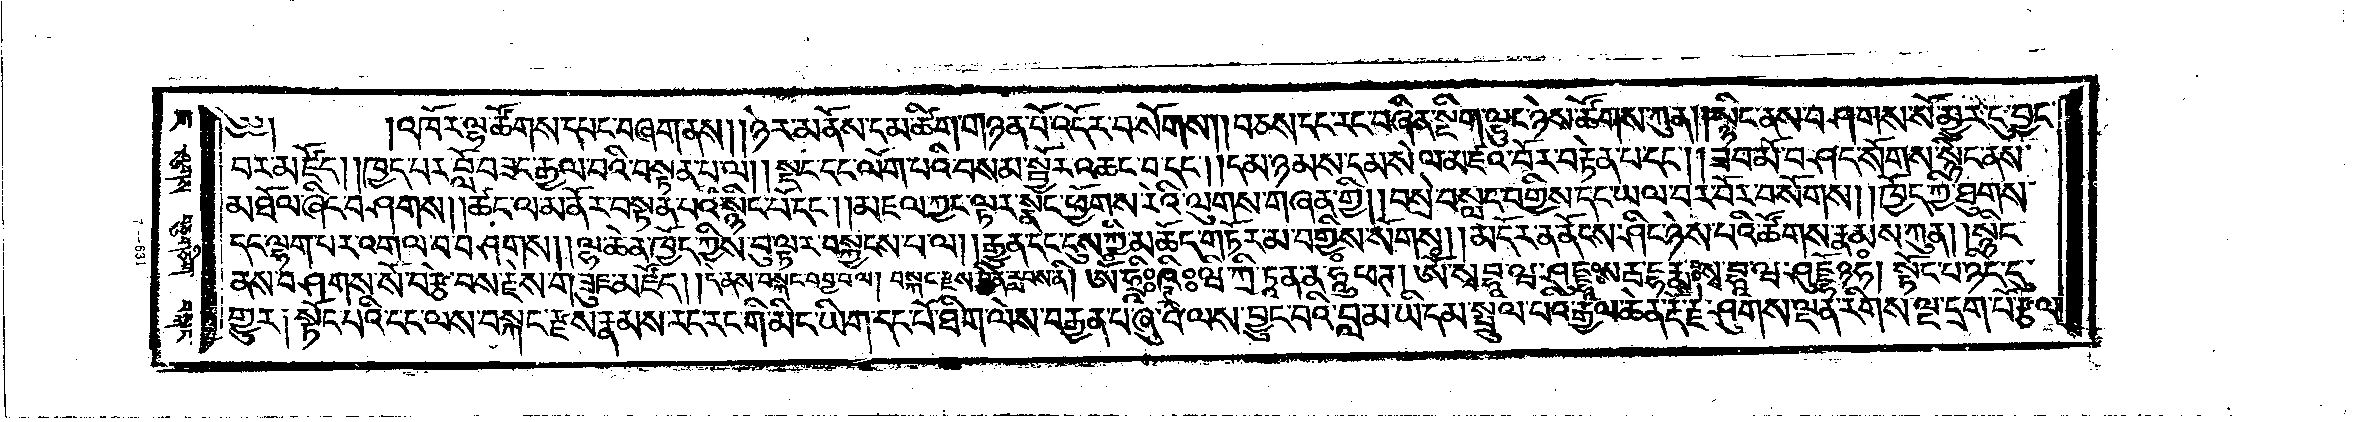༄༅། །འཁོར་ལྷ་ཚོགས་དབང་བཞག་ནས། །ཉེར་མནོས་དམ་ཚིག་གཉན་པོ་འདོར་བ་སོགས། །བཅས་དང་རང་བཞིན་སྡིག་ལྟུང་ཉེས་ཚོགས་ཀུན། །སྙིང་ནས་བཤགས་སོ་མྱུར་དུ་བྱང་
བར་མཛོད། །ཁྱད་པར་བློ་བཟང་རྒྱལ་བའི་བསྟན་པ་ལ། །སྡང་དང་ལོག་པའི་བསམ་སྦྱོར་འཆང་བ་དང་། །དམ་ཉམས་དམ་སེལ་མཛའ་བོར་བརྟེན་པ་དང་། །ཟབ་མོ་བཤད་སོགས་སྙིང་ནས་
མཐོལ་ཞིང་བཤགས། །ཚང་ལ་མ་ནོར་བསྟན་པའི་སྙིང་པོ་དང་། །མཇལ་ཀྱང་ལྟར་སྣང་ཕྱོགས་རེའི་ལུགས་གཞན་གྱི། །བསྲེ་བ་སླད་བགྱིས་དང་ཡལ་བར་བོར་བ་སོགས། །ཁྱོད་ཀྱི་ཐུགས་
དང་ལྷག་པར་འགལ་བ་བཤགས། །ལྷ་ཆེན་ཁྱོད་ཀྱིས་བུ་ལྟར་བསྐྱངས་པ་ལ། །རྒྱུན་དང་དུས་ཀྱི་མཆོད་གཏོར་མ་བགྱིས་སོགས། །མདོར་ན་ནོངས་ཤིང་ཉེས་པའི་ཚོགས་རྣམས་ཀུན། །སྙིང་
ནས་བཤགས་སོ་བརྩེ་བས་རྗེས་གཟུང་མཛོད། །དེ་ནས་བསྐང་བ་བྱ་བ་ལ། བསྐང་རྫས་བྱིན་རླབས་ནི།  ཨོཾ་ཧྲཱིཿ ཥྚིཿ ཝི་ཀྲི་ཏཱན་ན་ཧཱུཾ་ཕཊ། ཨོཾ་སྭབྷཱ་ཝ་ཤུདྡྷཱ་སརྦ་དྷརྨཿ སྭ་བྷཱ་ཝ་ཤུདྡྷོཉྷཾ། སྟོང་པ་ཉིད་དུ་
གྱུར༑ སྟོང་པའི་ངང་ལས་བསྐང་རྫས་རྣམས་རང་རང་གི་མིང་ཡིག་དང་པོ་ཐིག་ལེས་བརྒྱན་པ་ཞུ་བ་ལས་བྱུང་བའི་བླ་མ་ཡི་དམ་སྤྲུལ་པའི་རྒྱལ་ཆེན་རྡོ་རྗེ་ཤུགས་ལྡན་རིགས་ལྔ་དྲག་པོ་རྩལ་